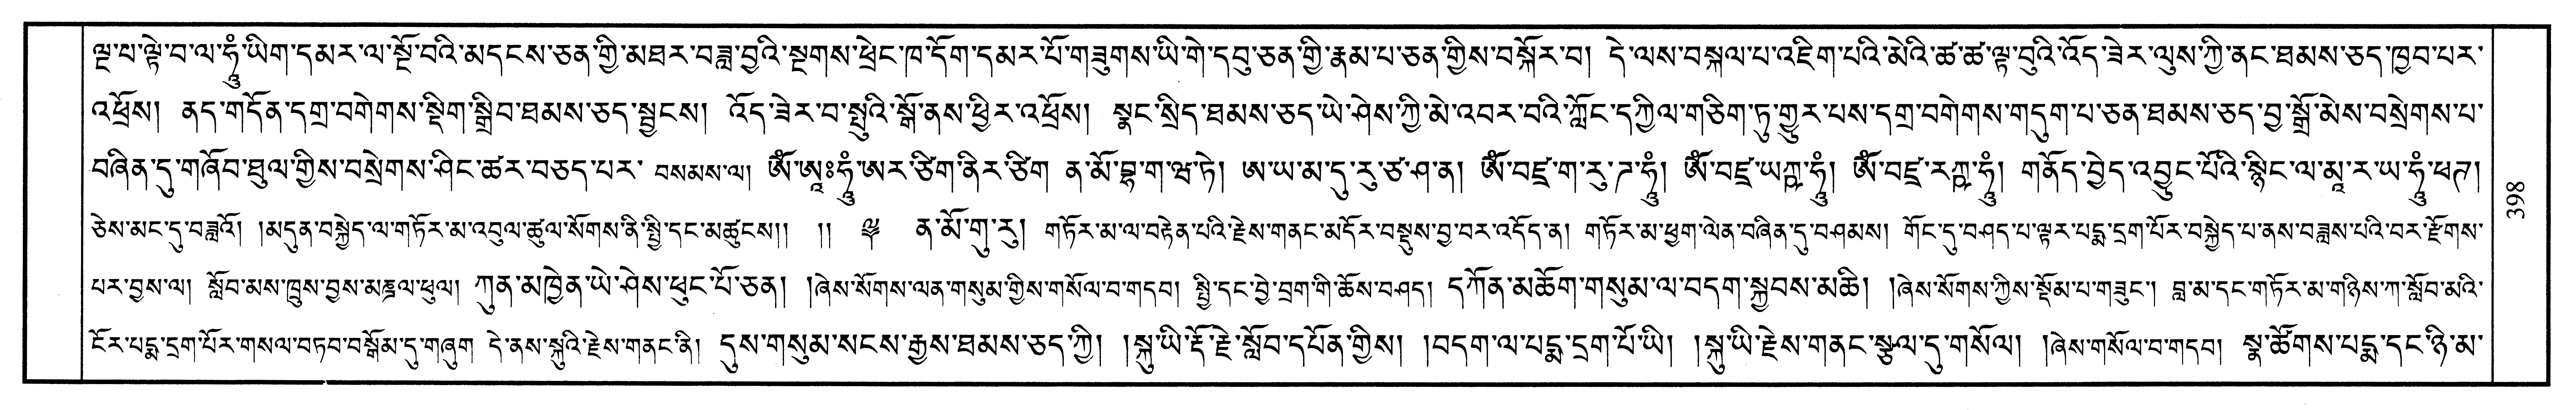ལྔ་པ་ལྟེ་བ་ལ་ཧཱུཾ་ཡིག་དམར་ལ་སྔོ་བའི་མདངས་ཅན་གྱི་མཐར་བཟླ་བྱའི་སྔགས་ཕྲེང་ཁ་དོག་དམར་པོ་གཟུགས་ཡི་གེ་དབུ་ཅན་གྱི་རྣམ་པ་ཅན་གྱིས་བསྐོར་བ། དེ་ལས་བསྐལ་པ་འཇིག་པའི་མེའི་ཚ་ཚ་ལྟ་བུའི་འོད་ཟེར་ལུས་ཀྱི་ནང་ཐམས་ཅད་ཁྱབ་པར་
འཕྲོས། ནད་གདོན་དགྲ་བགེགས་སྡིག་སྒྲིབ་ཐམས་ཅད་སྦྱངས། འོད་ཟེར་བ་སྤུའི་སྒོ་ནས་ཕྱིར་འཕྲོས། སྣང་སྲིད་ཐམས་ཅད་ཡེ་ཤེས་ཀྱི་མེ་འབར་བའི་ཀློང་དཀྱིལ་གཅིག་ཏུ་གྱུར་པས་དགྲ་བགེགས་གདུག་པ་ཅན་ཐམས་ཅད་བྱ་སྒྲོ་མེས་བསྲེགས་པ་
བཞིན་དུ་གཞོབ་ཐུལ་གྱིས་བསྲེགས་ཤིང་ཚར་བཅད་པར་བསམས་ལ། ཨོཾ་ཨཱཿ ཧཱུཾ་ཨར་ཙིག་ནིར་ཙིག་ན་མོ་བྷ་ག་ཝ་ཏེ། ཨ་ཡ་མ་དུ་རུ་ཙ་ཤ་ན། ཨོཾ་བཛྲ་ག་རུ་ཌ་ཧཱུཾ། ཨོཾ་བཛྲ་ཡཀྵ་ཧཱུཾ། ཨོཾ་བཛྲ་རཀྵ་ཧཱུཾ། གནོད་བྱེད་འབྱུང་པོའི་སྙིང་ལ་མཱ་ར་ཡ་ཧཱུཾ་ཕཊ།
ཅེས་མང་དུ་བཟླའོ། །མདུན་བསྐྱེད་ལ་གཏོར་མ་འབུལ་ཚུལ་སོགས་ནི་སྤྱི་དང་མཚུངས།། །། ༈ ན་མོ་གུ་རུ། གཏོར་མ་ལ་བརྟེན་པའི་རྗེས་གནང་མདོར་བསྡུས་བྱ་བར་འདོད་ན། གཏོར་མ་ཕྱག་ལེན་བཞིན་དུ་བཤམས། གོང་དུ་བཤད་པ་ལྟར་པདམ་དྲག་པོར་བསྐྱེད་པ་ནས་བཟླས་པའི་བར་རྫོགས་
པར་བྱས་ལ། སློབ་མས་ཁྲུས་བྱས་མཎྜལ་ཕུལ། ཀུན་མཁྱེན་ཡེ་ཤེས་ཕུང་པོ་ཅན། །ཞེས་སོགས་ལན་གསུམ་གྱིས་གསོལ་བ་གདབ། སྤྱི་དང་བྱེ་བྲག་གི་ཆོས་བཤད། དཀོན་མཆོག་གསུམ་ལ་བདག་སྐྱབས་མཆི། །ཞེས་སོགས་ཀྱིས་སྡོམ་པ་གཟུང་། བླ་མ་དང་གཏོར་མ་གཉིས་ཀ་སློབ་མའི་
ངོར་པདམ་དྲག་པོར་གསལ་བཏབ་བསྒོམ་དུ་གཞུག་དེ་ནས་སྐུའི་རྗེས་གནང་ནི། དུས་གསུམ་སངས་རྒྱས་ཐམས་ཅད་ཀྱི། །སྐུ་ཡི་རྡོ་རྗེ་སློབ་དཔོན་གྱིས། །བདག་ལ་པདམ་དྲག་པོ་ཡི། །སྐུ་ཡི་རྗེས་གནང་སྩལ་དུ་གསོལ། །ཞེས་གསོལ་བ་གདབ། སྣ་ཚོགས་པདམ་དང་ཉི་མ་